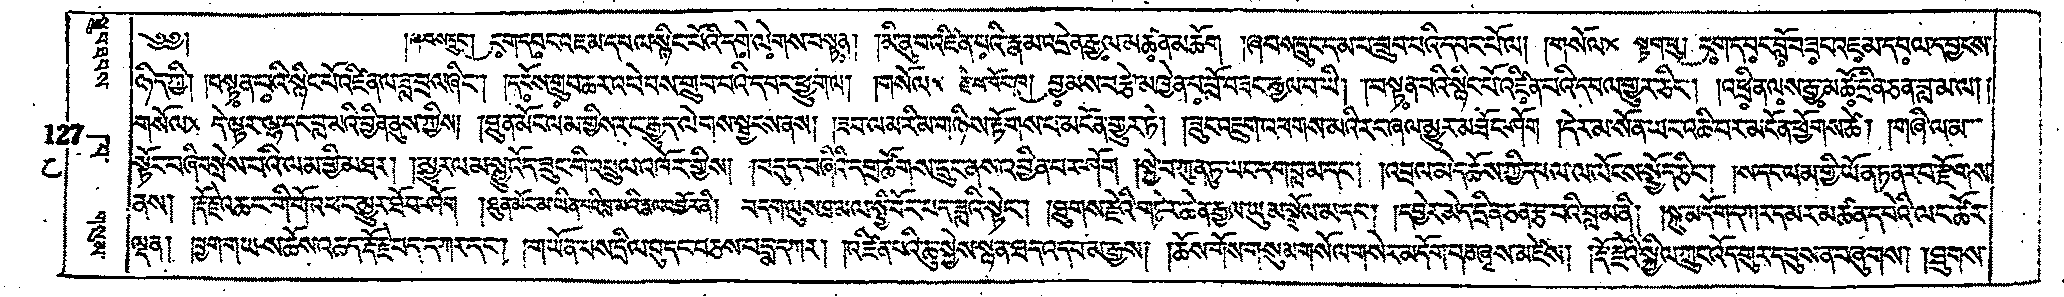༄༅། །ཞབས་དྲུང་།  ངག྾་དབང྾་འཇམ་དཔལ་སྙིང་པོའི་དགེ྾་ལེགས྾་བསྟན྾། །མི་ནུབ་འཛིན་པའི྾་རྣམ་འདྲེན་རྒྱལ྾་མཚན྾་མཆོག །ཞབས་དྲུང་དམ་པ་གྲུབ་པའི་དབང་པོ་ལ། །གསོལ་྾་སྟག་ཕུ།  ངུག྾་དབང྾་བློ྾་བཟང྾་འཇམ྾་དཔལ྾་དབྱངས་
ཉིད་ཀྱི། །བསྟན྾་པའི྾་སྙིང་པོ་འཛིན་ལ་ཟླ་བྲལ་ཞིང་། །དངོས྾་གྲུབ྾་ཆར་འབེབས་གྲུབ་པའི་དབང་ཕྱུག་ལ། །གསོལ་྾་རྗེ་ཕ་བོང་ཁ།  བྱམས྾་བརྩེ་མཁྱེན་པ྾་བློ་བཟང་རྒྱལ་བ་ཡི། །བསྟན྾་པའི་སྙིང་པོ་འཛིན་པའི་དཔལ་གྱུར་ཅིང་། །འཕྲིན྾་ལས྾་རྒྱ྾་མཚོ྾་དྲིན་ཅན་བླ་མ་ལ། །
གསོལ་྾་དེ་ལྟར་ལྷ་དང་བླ་མའི་བྱིན་ནུས་ཀྱིས། །ཐུན་མོང་ལམ་གྱིས་རང་རྒྱུད་ལེགས་སྦྱངས་ནས། །ཟབ་ལམ་རིམ་གཉིས་རྟོགས་པ་མངོན་གྱུར་ཏེ། །ཟུང་འཇུག་འཕགས་མའི་རང་ཞལ་མྱུར་མཐོང་ཤོག །དེར་མ་སོན་ཡང་འཆི་བར་མངོན་ཕྱོགས་ཚེ། །གཞི་ལམ་་་
སྟོང་བཞི་བསྲེས་པའི་ལམ་གྱི་མཐར། །མྱུར་ལམ་སྒྱུ་འོད་ཟུང་གི་འཕྲུལ་འཁོར་གྱིས། །བདུད་བཞིའི་དགྲ་ཚོགས་དྲུང་ནས་འབྱིན་པར་ཤོག །སྐྱེ་བ་ཀུན་ཏུ་ཡང་དག་བླ་མ་དང་། །འབྲལ་མེད་ཆོས་ཀྱི་དཔལ་ལ་ལོངས་སྤྱོད་ཅིང་། །ས་དང་ལམ་གྱི་ཡོན་ཏན་རབ་རྫོགས་
ནས། །རྡོ་རྗེ་འཆང་གི་གོ་འཕང་མྱུར་ཐོབ་ཤོག་།ཐུན་མོང་མ་ཡིན་པའི་བླ་མའི་རྣལ་འབྱོར་ནི།  བདག་ལུས་ཐ་མལ་སྤྱི་བོར་པད་ཟླའི་སྟེང་། །ཐུགས་རྗེའི་གཏེར་ཆེན་རྒྱལ་ཡུམ་སྒྲོལ་མ་དང་། །དབྱེར་མེད་རིན་ཅན་རྩ་བའི་བླ་མ་ནི། །སྐུ་མདོག་དཀར་དམར་མཚན་པེའི་ལང་ཚོར་་་
ལྡན། །ཕྱག་གཡས་ཆོས་འཆད་རྡོ་རྗེ་པད་དཀར་དང་། །གཡོན་པས་རིལ་བུ་དང་བཅས་པདམ་དཀར། །འཛིན་པའི་ཆུས་ཀྱེས་སྙན་ཐད་འདབ་མ་རྒྱས། །ཆོས་གོས་གསུམ་གསོལ་གསེར་མདོག་པཎ་ཞྭས་མཛེས། །རྡོ་རྗེའི་སྐྱིལ་ཀྲུང་འོད་གུར་དབུས་ན་བཞུགས། །ཐུགས་